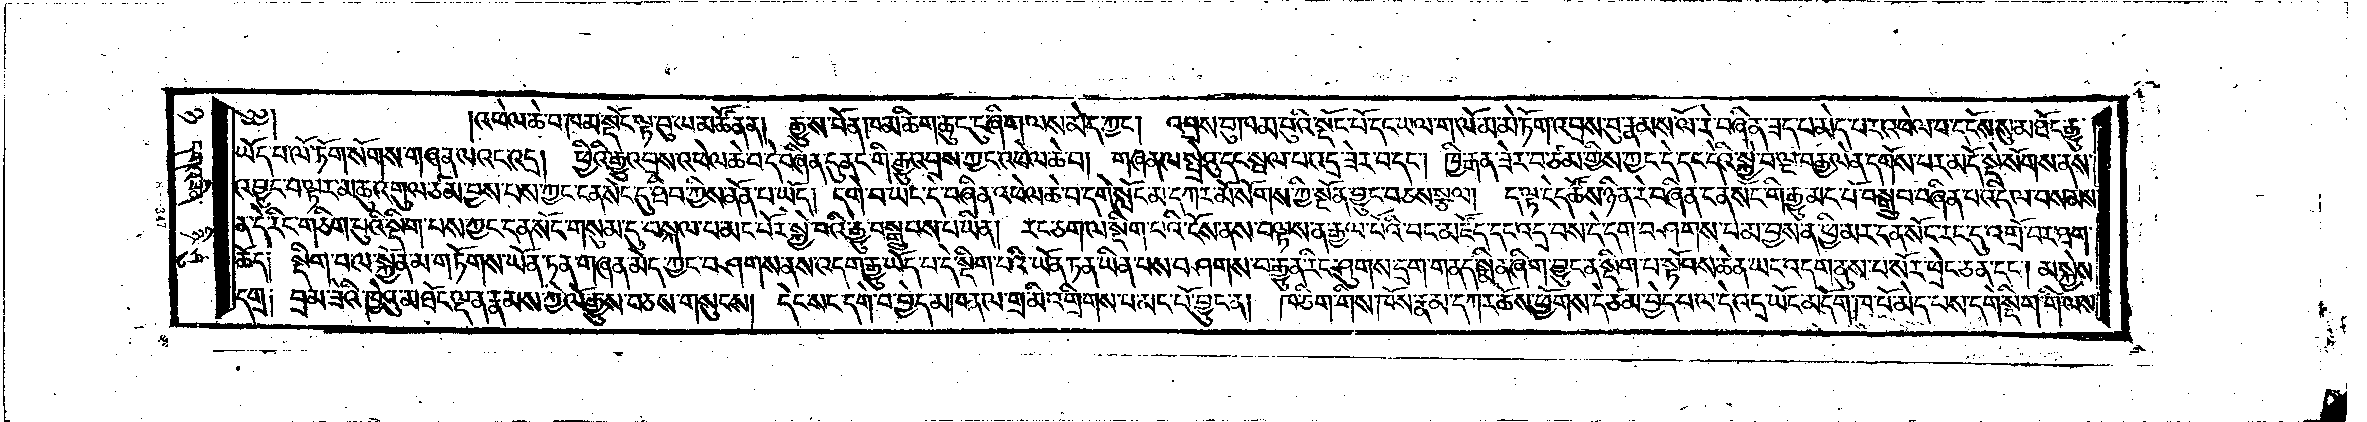༄༅། །འཕེལ་ཆེ་བ་ཁམ་སྡོང་ལྟ་བུ་ལ་མཚོན་ན། རྒྱུ་ས་བོན་ཁམ་ཚིག་ཆུང་ངུ་ཞིག་ལས་མེད་ཀྱང་། འབྲས་བུ་ཁམ་བུའི་སྡོང་པོ་དང་ཡལ་ག་ལོ་མ་མེ་ཏོག་འབྲས་བུ་རྣམས་ལོ་རེ་བཞིན་ཟད་པ་མེད་པར་འཕེལ་བ་དངོས་སུ་མཐོང་རྒྱུ་
ཡོད་པ་ལོ་ཏོག་སོགས་གཞན་ལའང་འདྲ། ཕྱིའི་རྒྱུ་འབྲས་འཕེལ་ཆེ་བ་དེ་བཞིན་དུ་ནང་གི་རྒྱུ་འབྲས་ཀྱང་འཕེལ་ཆེ་བ། གཞན་ལ་སྤྲེའུ་དང་སྦལ་པ་འདྲ་ཟེར་བ་དང་། ཁྱི་རྒན་ཟེར་བ་ཙམ་གྱིས་ཀྱང་དེ་དང་དེའི་སྐྱེ་བ་ལྔ་བརྒྱ་ལེན་དགོས་པར་མདོ་སྡེ་སོགས་ནས་
འབྱུང་བ་ལྟར་མཆུ་འགུལ་ཙམ་བྱས་པས་ཀྱང་ངན་སོང་དུ་ཐིབ་ཀྱིས་ནོན་པ་ཡོད། དགེ་བ་ཡང་དེ་བཞིན་འཕེལ་ཆེ་བ་དགེ་སློང་མ་དཀར་མོ་སོགས་ཀྱི་སྔོན་བྱུང་བཅས་སྩལ། ད་ལྟ་ངེད་ཚོས་ཉིན་རེ་བཞིན་ངན་སོང་གི་རྒྱུ་མང་པོ་བསྒྲུབ་བཞིན་པ་འདི་ལ་བསམས་
ན་དེ་རིང་གཅིག་པུའི་སྡིག་པས་ཀྱང་ངན་སོང་གསུམ་དུ་བསྐལ་པ་མང་པོར་སྐྱེ་བའི་རྒྱུ་བསྒྲུབས་པ་ཡིན། རང་ཅག་ལ་སྡིག་པའི་ངོས་ནས་བལྟས་ན་རྒྱལ་པོའི་བང་མཛོད་དང་འདྲ་བས་དེ་དག་བཤགས་པ་མ་བྱས་ན་ཕྱི་མར་ངན་སོང་རང་དུ་འགྲོ་བར་ཐག་
ཆོད༑ སྡིག་པ་ལ་སྐྱོན་མ་གཏོགས་ཡོན་ཏན་གཞན་མེད་ཀྱང་བཤགས་ནས་འདག་རྒྱུ་ཡོད་པ་དེ་སྡིག་པའི་ཡོན་ཏན་ཡིན་པས་བཤགས་པ་རྒྱུན་རིང་ཤུགས་དྲག་གནད་སྨིན་ཞིག་བྱུང་ན་སྡིག་པ་སྟོབས་ཆེན་ཡང་འདག་ནུས་པ་སོར་ཕྲེང་ཅན་དང་། མ་སྐྱེས་
དགྲ༑ བྲམ་ཟེའི་ཁྱེའུ་མཐོང་ལྡན་རྣམས་ཀྱི་ལོ་རྒྱུས་བཅས་གསུངས། དེང་སང་དགེ་བ་བྱེད་མཁན་ལ་གྲ་མི་འགྲིགས་པ་མང་པོ་བྱུང་ན། ཁ་ཅིག་གིས་ཁོས་རྣམ་དཀར་ཆོས་ཕྱོགས་དེ་ཙམ་བྱེད་པ་ལ་དེ་འདྲ་ཡོང་མདོག་ཁ་པོ་མེད་པས་དགེ་སྡིག་གི་ལས་